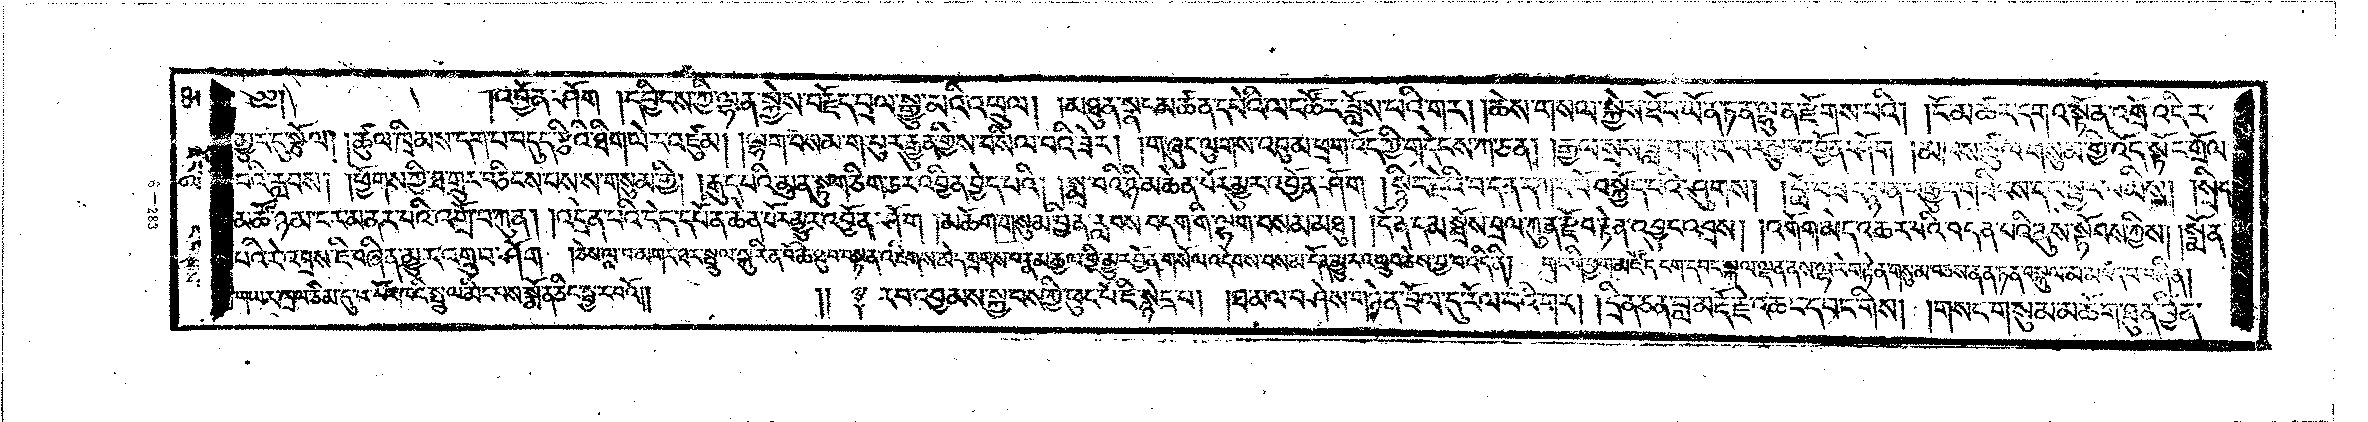༄༅། །འབྱོན་ཤོག །དབྱིངས་ཀྱི་ལྷན་སྐྱེས་བརྗོད་བྲལ་སྒྱུ་མའི་འཕྲུལ། །མཐུན་སྣང་མཚན་དཔེའི་ལང་ཚོར་ཟློས་པའི་གར། །ཆེས་གསལ་སྐྱེས་ཐོབ་ཡོན་ཏན་ལྷུན་རྫོགས་པའི། །ངོ་མཚར་དགའ་སྟོན་འགྲོ་འདིར་
མྱུར་དུ་སྩོལ། །ཚུལ་ཁྲིམས་དག་པ་བདུད་རྩིའི་ཐིག་ལེར་འཛུམ། །ལྷག་བསམ་ག་པུར་རྒྱུན་གྱིས་བསིལ་བའི་ཟེར། །གཞུང་ལུགས་འབུམ་ཕྲག་འོད་ཀྱི་གདེངས་ཀ་ཅན། །རྒྱལ་སྲས་ཟླ་བ་གསར་པར་ཆུར་འབྱོན་ཤོག །མཁས་ཚུལ་གསུམ་གྱི་འོད་སྟོང་གྲོལ་
བའི་རླབས། །ཕྱོགས་ཀྱི་ཐ་གྲུར་བཅིངས་པས་ས་གསུམ་གྱི། །རྒྱུད་པའི་མུན་སྟུ་གཅིག་ཅར་འབྱིན་བྱེད་པའི། །སྨྲ་བའི་ཉི་མ་ཆེན་པོར་མྱུར་འབྱོན་ཤོག །སྙིང་རྗེའི་བ་དན་དཀར་པོ་བསྐྱོད་པའི་ཤུགས། །བློ་བཟང་སྙན་པ་རྒྱུད་གཟིངས་དང་སྦྱར་བ་ཡིས། །སྲིད་
མཚོ་ཉམ་ངར་མནར་བའི་འགྲོ་བ་ཀུན། །འདྲེན་པའི་དེད་དཔོན་ཆེན་པོར་མྱུར་འབྱོན་ཤོག །མཆོག་གསུམ་བྱིན་རླབས་བདག་གི་ལྷག་བསམ་མཐུ། །དོན་དམ་སྤྲོས་བྲལ་ཀུན་རྫོབ་རྟེན་འབྱུང་འབྲས། །འགོག་མེད་འཆར་པའི་བདན་པའི་ནུས་སྟོབས་ཀྱིས། །སྨོན་
པའི་རེ་འབྲས་ཇི་བཞིན་མྱུར་འགྲུབ་ཤོག །ཅེས་ལཱ་བ་མགར་ཐར་སྦྲུལ་སྐུ་རིན་པོ་ཆེ་ཐུབ་བསྟན་འཇིགས་མེད་གྲགས་བ་རྣམ་རྒྱལ་གྱི་མྱུར་བྱོང་གསོལ་འདེབས་བསམ་དོན་མྱུར་འགྲུབ་ཅེས་བྱ་བ་འདི་ནི། གང་གི་ཕྱག་མཛོད་ངག་དབང་སྐལ་ལྡན་ནས་ལྷ་རེ་བརྟེན་གསུམ་བཅས་ནན་ཏན་བསྐུལ་མ་མཛད་པ་བཞིན།
གཡར་ཁྲལ་ཙམ་དུ་པ་མོའི་ཁའི་སྤྲུལ་མིང་བས་སྨོན་ཅིང་སྦྱར་བའོ།། །།༈ རབ་འབྱམས་སྐྱབས་ཀྱི་ཕུང་པོ་ཇི་སྙེད་པ། །ཐ་མལ་བཤེས་གཉེན་ཟོལ་དུ་རོལ་བའི་གར། །དྲིན་ཅན་བླ་མ་རྡོ་རྗེ་འཆང་དབང་གིས། །གསང་གསུམ་མཆོག་ཐུན་བྱིན་